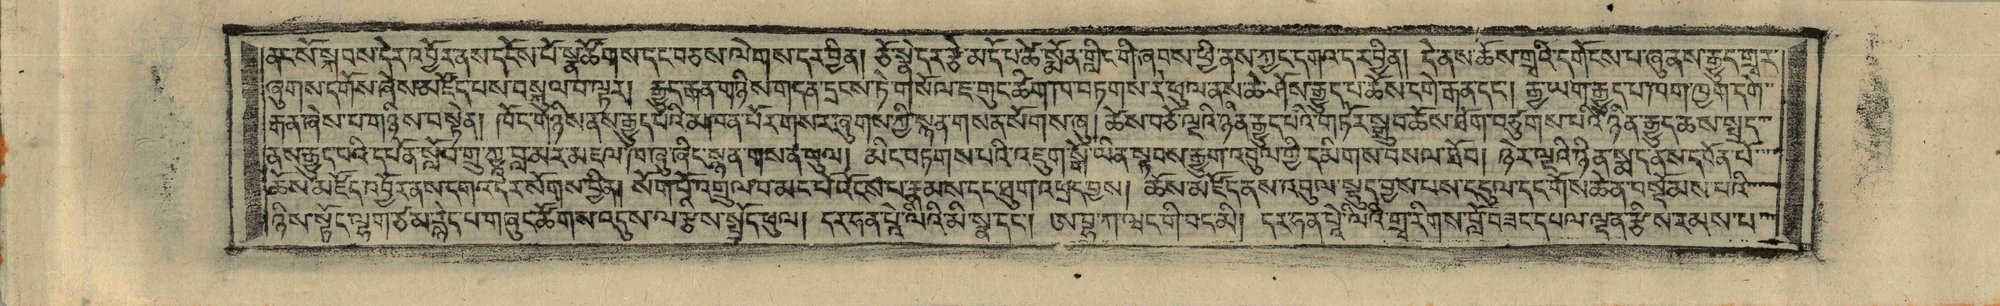ནང་སོ་སྐབས་དེར་འབྱོར་ནས་དངོས་པོ་སྣ་ཚོགས་དང་བཅས་ལེགས་དར་བྱིན། ཅོ་སྣེ་དར་རྩེ་མདོ་པ་ཚེ་སྨོན་གླིང་གི་ཞབས་ཕྱི་ནས་ཀྱང་དགའ་དར་བྱིན། དེ་ནས་ཆོས་གྲྭའི་དགོངས་པ་ཞུ་ནས་རྒྱུད་གྲྭར་
ཞུགས་དགོས་ཞེས་མཛོད་པས་བསྐུལ་བ་ལྟར། རྒྱུད་རྒན་གཉིས་གདན་དྲངས་ཏེ་གསོལ་ཇ་གུང་ཚིག་ཁ་བཏགས་རེ་ཕུལ་ནས་ཆེ་ཤོས་རྒྱུད་པ་ཆོས་དགེ་རྒན་དང་། རྒྱ་ཡག་རྒྱུད་པ་ཁག་ཁྱག་དགེ་
རྒན་ཞེས་པ་གཉིས་བསྟེན། ཁོང་གཉིས་ནས་རྒྱུད་པའི་མཁན་པོར་གསར་ཞུགས་ཀྱི་སྙན་གསན་སོགས་ཞུ། ཚེས་བཅོ་ལྔའི་ཉིན་རྒྱུད་པའི་གཏོར་སྒྲུབ་ཆོས་ཐོག་བཙུགས་པའི་ཉིན་རྒྱུད་ཆས་སྤྲད་
ནས་རྒྱུད་པའི་དཔོན་སློབ་གྲུ་ཀྱཱ་བླ་མར་མཇལ་ཁ་ཞུ་ཞིང་སྙན་གསན་ཕུལ། མིང་བཏགས་པའི་འཇུག་སྒོ་ཡིན་སྟབས་རྒྱུག་འབུལ་གྱི་དམིགས་བསལ་ཐོབ། ཉེར་ལྔའི་ཉིན་སྨད་ནས་དཔོན་པོ་
ཆོས་མཛོད་འབྱོར་ནས་དགའ་དར་སོགས་བྱིན། སོག་པོ་འགྲུལ་བ་མང་པོ་འོངས་པ་རྣམས་དང་ཐུག་འཕྲད་བྱས། ཆོས་མཛོད་ནས་འབུལ་སྡུད་བྱས་པས་དངུལ་དང་གོས་ཆེན་བསྡོམས་པའི་
ཉིས་སྟོང་ལྷག་ཙམ་རྙེད་པ་གཞུང་ཚོགས་འདུས་ལ་རྩིས་སྤྲོད་ཕུལ། དར་ཧན་པE་ལིའི་མི་སྣ་དང་། ཨ་བྷ་ཀ་ཝང་གི་བང་མི། དར་ཧན་པE་ལིའི་གྲྭ་རིགས་བློ་བཟང་དཔལ་ལྡན་རྩིས་རམས་པ་